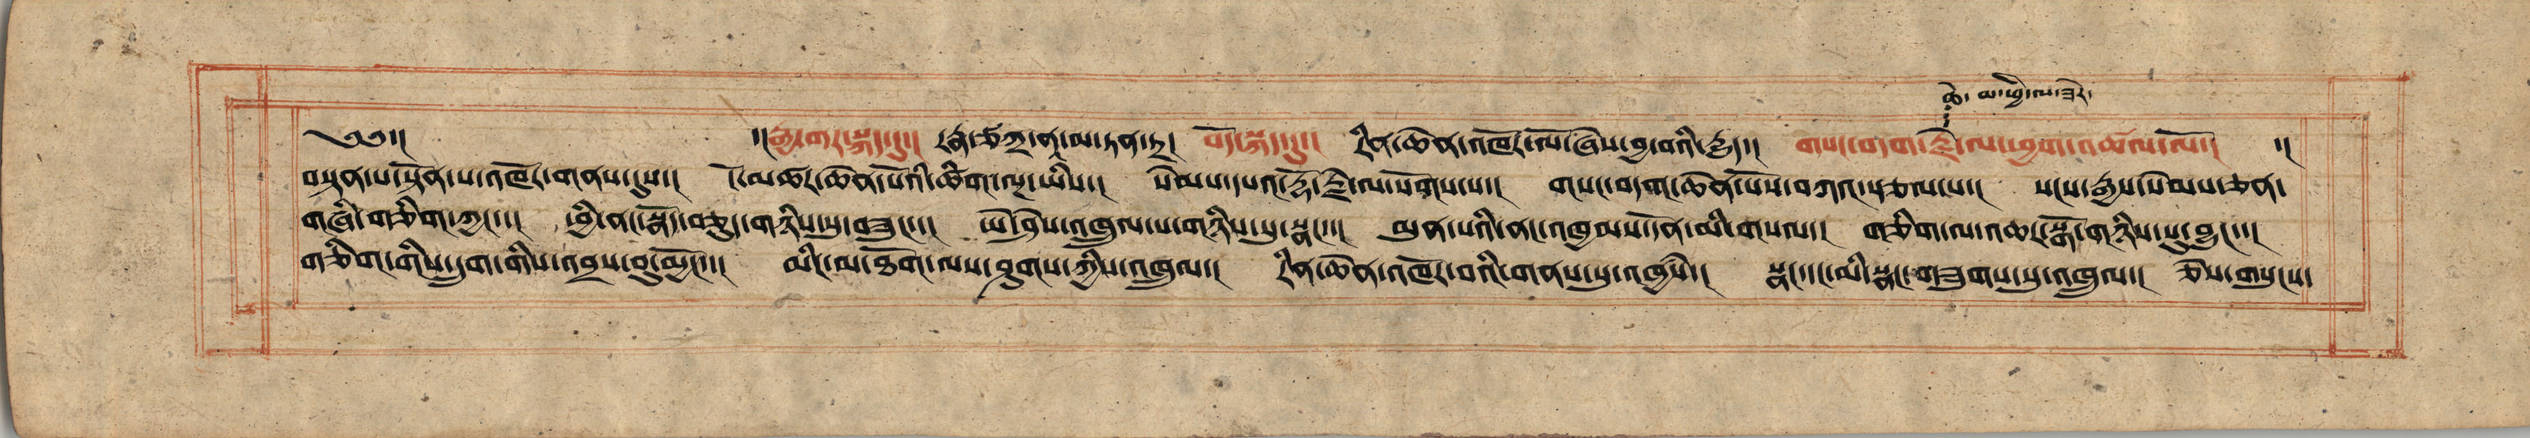༄༅་། ་།རྒྱ་གར་སྐད་དུ་། རཏྣ་ཙཀྲ་ནཱ་མ་ཏན་ཏྲ། བོད་སྐད་དུ་། རིན་ཆེན་འཁོར་ལོ་ཞེས་བྱ་བའི་དྱུད་། གསང་བདག་རྗེ་ལ་ཕྱག་འཚལ་ལོ་། ་།
བསྟན་པ་སྟོན་པ་འཁོར་གནས་དུས་། ངོ་མཚར་ཆེན་པོའི་ཚིག་ལྔ་ཡིས་། སེམས་དཔའ་རྡོ་རྗེ་ལ་སོགས་པ་། གསང་བདག་ཆེན་པོས་བཀའ་སྩལ་པ་། སངས་རྒྱས་སེམས་ཅན་
གཞི་གཅིག་ཀྱང་་། ཕྱི་ནང་སྣོད་བཅུད་གཉིས་སུ་བཟུང་་། ཡེ་ཤེས་འཁྲུལ་པ་གཉིས་སུ་སྣང་་། མུན་པའི་ནང་འཁྱམས་དོན་མི་གསལ་། གཅིག་ལ་འཆར་སྒོ་གཉིས་སུ་བྱུང་་།
གཅིག་གིས་དྲུག་གིས་འབྲས་བུ་མྱོང་་། མིང་མ་ཐོག་ལས་ཤུགས་ཀྱིས་འཁྲུལ་། རིན་ཆེན་འཁོར་བའི་གནས་སུ་འཁྱཾས་། སྣང་དང་མི་སྣང་གཟུགས་སུ་འཁྲུལ་། ཅེས་གསུངས་